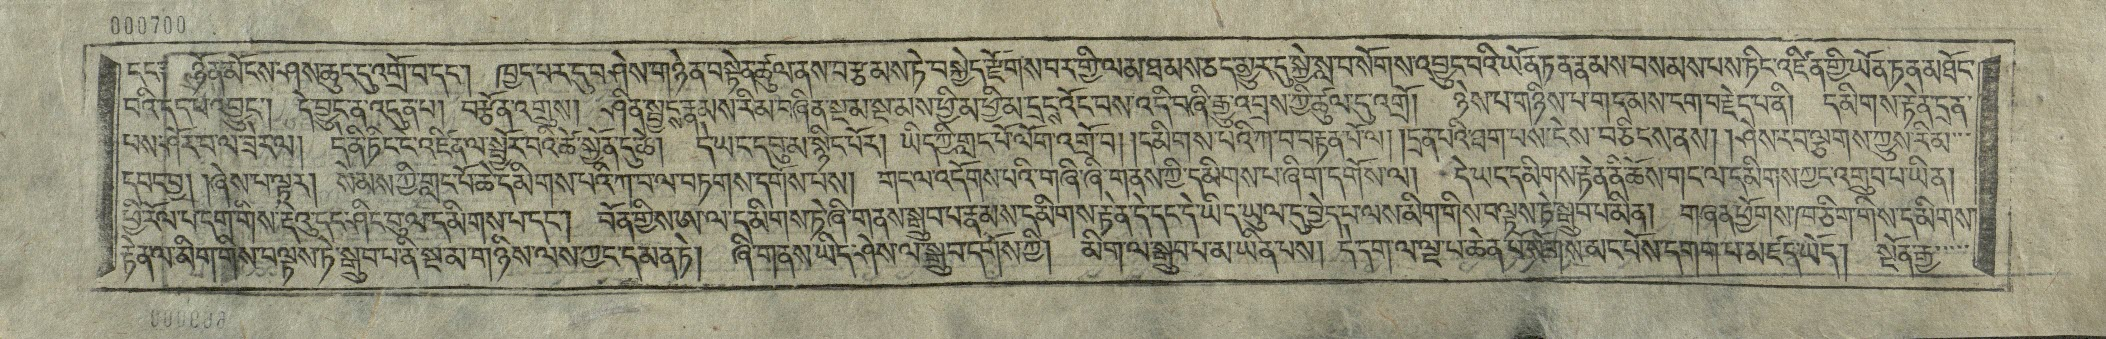དང༑ ཉོན་མོངས་ཤས་ཆུང་དུ་འགྲོ་བ་དང་། ཁྱད་པར་དུ་བཤེས་གཉེན་བསྟེན་ཚུལ་ནས་བརྩམས་ཏེ་བསྐྱེད་རྫོགས་བར་གྱི་ལམ་ཐམས་ཅད་མྱུར་དུ་སྐྱེ་སླ་བ་སོགས་འབྱུང་བའི་ཡོན་ཏན་རྣམས་བསམས་པས་ཏིང་འཛིན་གྱི་ཡོན་ཏན་མཐོང་
བའི་དད་པ་འབྱུང་། དེ་བྱུང་ན་འདུན་པ། བརྩོན་འགྲུས། ཤིན་སྦྱངས་རྣམས་རིམ་བཞིན་སྔ་མ་སྔ་མས་ཕྱི་མ་ཕྱི་མ་དྲངས་འོང་བས་འདི་བཞི་རྒྱུ་འབྲས་ཀྱི་ཚུལ་དུ་འགྲོ། ཉེས་པ་གཉིས་པ་གདམས་ངག་བརྗེད་པ་ནི། དམིགས་རྟེན་དྲན་
པས་ཤོར་བ་ལ་ཟེར་ལ། དེ་ནི་ཏིང་ངེ་འཛིན་ལ་སྦྱོར་བའི་ཚེ་སྐྱོན་དུ་ཆེ། དེ་ཡང་དབུ་མ་སྙིང་པོར། ཡིད་ཀྱི་གླང་པོ་ལོག་འགྲོ་བ། །དམིགས་པའི་ཀ་བ་བརྟན་པོ་ལ། །དྲན་པའི་ཐག་པས་ངེས་བཅིངས་ནས། །ཤེས་རབ་ལྕགས་ཀྱུས་རིམ་
དབང་བྱ། །ཞེས་པ་ལྟར། སེམས་ཀྱི་གླང་པོ་ཆེ་དམིགས་པའི་ཀ་བ་ལ་བཏགས་དགོས་པས། གང་ལ་འདོགས་པའི་གཞི་ཞི་གནས་ཀྱི་དམིགས་པ་ཞིག་དགོས་ལ། དེ་ཡང་དམིགས་རྟེན་ནི་ཆོས་གང་ལ་དམིགས་ཀྱང་འགྲུབ་པ་ཡིན།
ཕྱི་རོལ་པ་དག་གིས་རྡེའུ་དང་ཤིང་བུ་ལ་དམིགས་པ་དང་། བོན་གྱིས་ཨ་ལ་དམིགས་ཏེ་ཞི་གནས་སྒྲུབ་པ་རྣམས་དམིགས་རྟེན་དེ་དང་དེ་ཡིད་ཡུལ་དུ་བྱེད་པ་ལས་མིག་གིས་བལྟས་ཏེ་སྒྲུབ་པ་མིན། གཞན་ཕྱོགས་ཁ་ཅིག་གིས་དམིགས་
རྟེན་ལ་མིག་གིས་བལྟས་ཏེ་སྒྲུབ་པ་ནི་སྔ་མ་གཉིས་ལས་ཀྱང་དམན་ཏེ། ཞི་གནས་ཡིད་ཤེས་ལ་སྒྲུབ་དགོས་ཀྱི། མིག་ལ་སྒྲུབ་པ་མ་ཡིན་པས། དེ་དག་ལ་ལྔ་པ་ཆེན་པོ་སོགས་མང་པོས་དགག་པ་མཛད་ཡོད། སྔོན་རྒྱ་